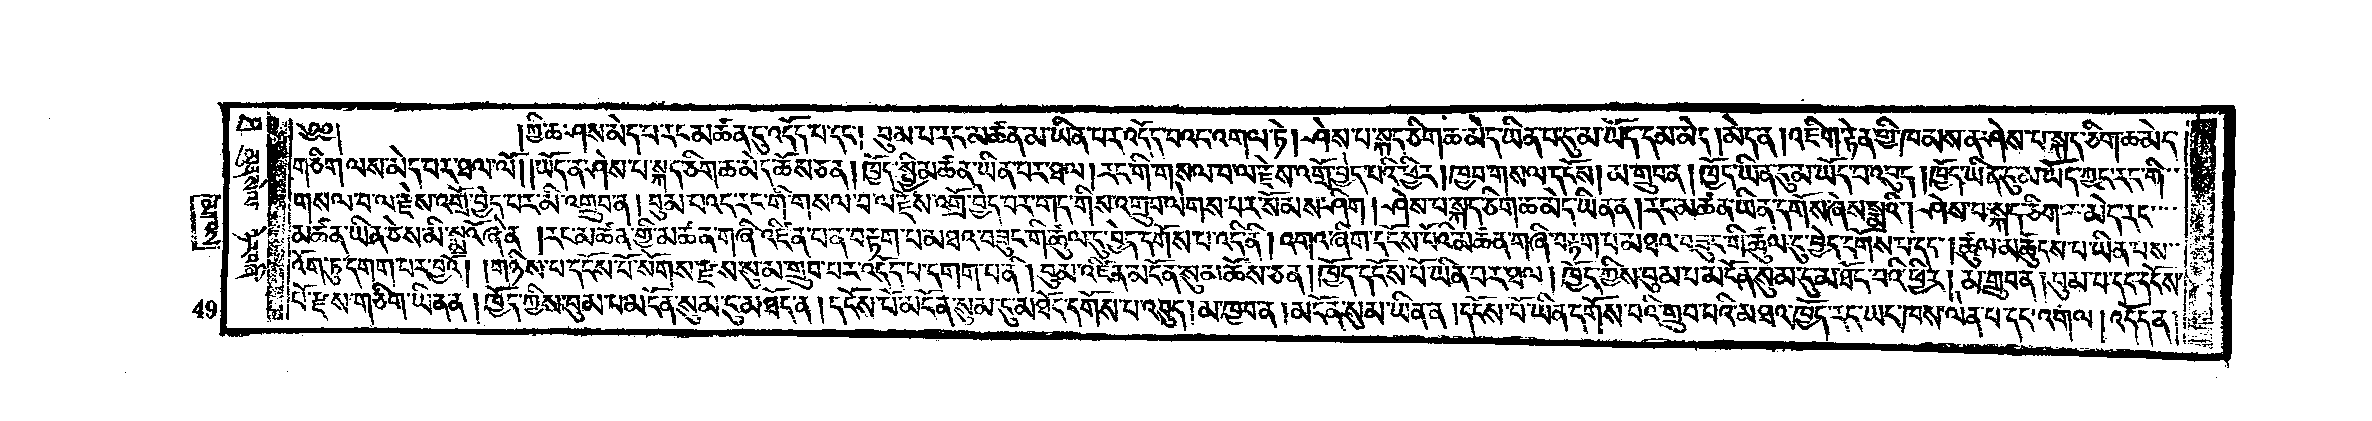༄༅། །ཀྱི་ཆ་ཤས་མེད་པ་རང་མཚན་དུ་འདོད་པ་དང་། བུམ་པ་རང་མཚན་མ་ཡིན་པར་འདོད་པའང་འགལ་ཏེ། ཤེས་པ་སྐད་ཅིག་ཆ་མེད་ཡིན་པ་དུ་མ་ཡོད་དམ་མེད། མེད་ན། འཇིག་རྟེན་གྱི་ཁམས་ན་ཤེས་པ་སྐད་ཅིག་ཆ་མེད་
གཅིག་ལས་མེད་པར་ཐལ་ལོ། །ཡོད་ན་ཤེས་པ་སྐད་ཅིག་ཆ་མེད་ཆོས་ཅན། ཁྱོད་སྤྱི་མཚན་ཡིན་པར་ཐལ། རང་གི་གསལ་བ་ལ་རྗེས་འགྲོ་བྱེད་པའི་ཕྱིར། ཁྱབ་གསལ་དངོས། མ་གྲུབ་ན། ཁྱོད་ཡིན་དུ་མ་ཡོད་པ་འབུད། ཁྱོད་ཡིན་དུ་མ་ཡོད་ཀྱང་རང་གི་
གསལ་བ་ལ་རྗེས་འགྲོ་བྱེད་པར་མི་འགྲུབ་ན། བུམ་པའང་རང་གི་གསལ་བ་ལ་རྗེས་འགྲོ་བྱེད་པར་གང་གིས་འགྲུབ་ལེགས་པར་སོམས་ཤིག །ཤེས་པ་སྐད་ཅིག་ཆ་མེད་ཡིན་ན། རང་མཚན་ཡིན་དགོས་ཞེས་སྨྲའི། ཤེས་པ་སྐད་ཅིག་ཆ་མེད་རང་
མཚན་ཡིན་ཅེས་མི་སྨྲའོ་ཞེ་ན། རང་མཚན་གྱི་མཚན་གཞི་འཛིན་པ་ན་བརྟག་པ་མཐའ་བཟུང་གི་ཚུལ་དུ་བྱེད་དགོས་པ་འདི་ནི། འགའ་ཞིག་དངོས་པོའི་མཚན་གཞི་བརྟག་པ་མཐའ་བཟུང་གི་ཚུལ་དུ་བྱེད་དགོས་པ་དང་། ཚུལ་མཚུངས་པ་ཡིན་པས་
འོག་ཏུ་དགག་པར་བྱའོ། །གཉིས་པ་དངོས་པོ་སོགས་རྫས་སུ་མ་གྲུབ་པར་འདོད་པ་དགག་པ་ནི། བུམ་འཛིན་མངོན་སུམ་ཆོས་ཅན། ཁྱོད་དངོས་པོ་ཡིན་པར་ཐལ། ཁྱོད་ཀྱིས་བུམ་པ་མངོན་སུམ་དུ་མཐོང་བའི་ཕྱིར། མ་གྲུབ་ན། བུམ་པ་དང་དངོས་
པོ་རྫས་གཅིག་ཡིན་ན། ཁྱོད་ཀྱིས་བུམ་པ་མངོན་སུམ་དུ་མཐོད་ན། དངོས་པོ་མངོན་སུམ་དུ་མཐོང་དགོས་པ་འབུད། མ་ཁྱབ་ན། མངོན་སུམ་ཡིན་ན། དངོས་པོ་ཡིན་དགོས་པའི་གྲུབ་པའི་མཐའ་ཁྱོད་རང་ཡང་ཁས་ལེན་པ་དང་འགལ། འདོད་ན།